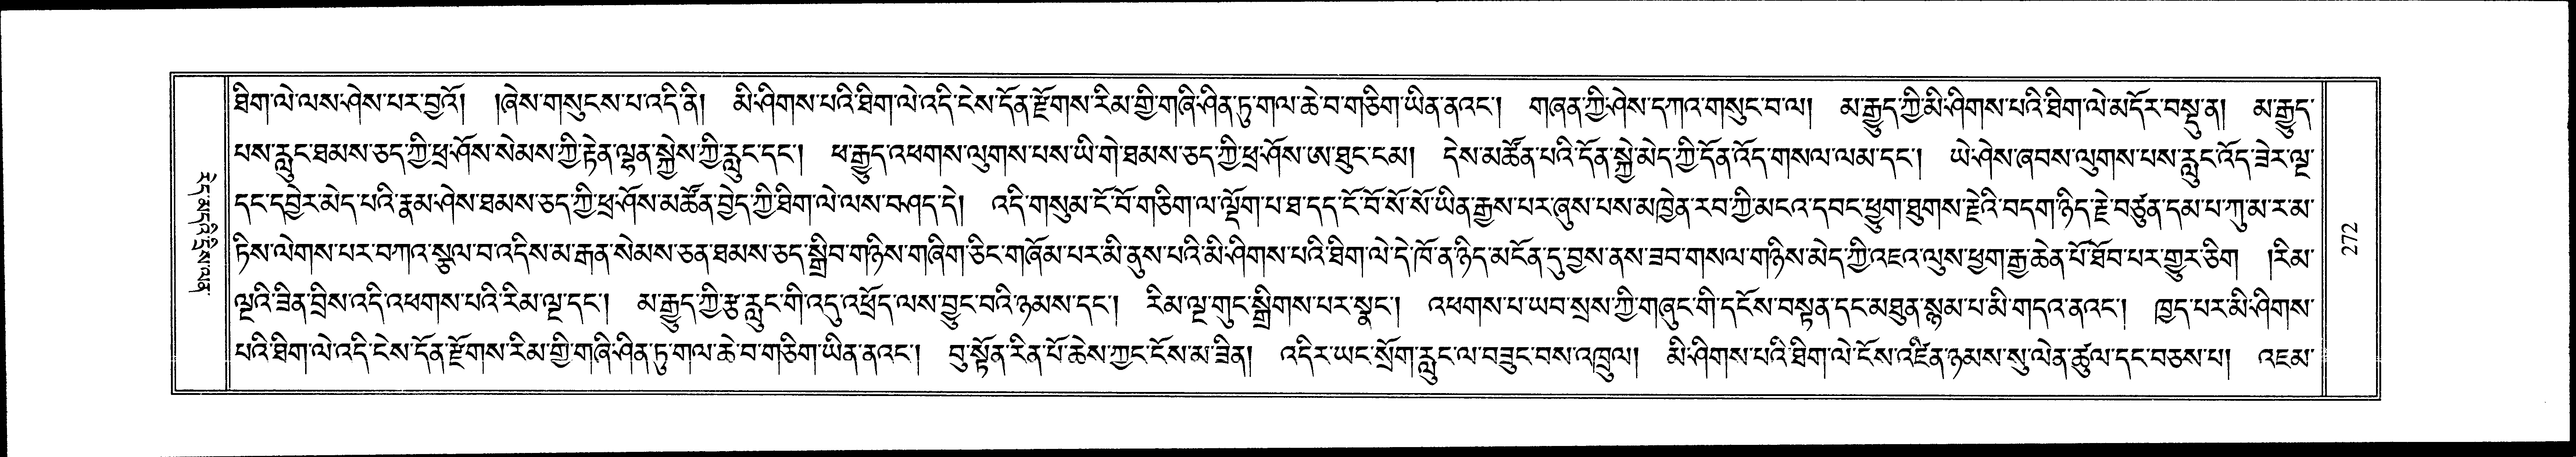ཐིག་ལེ་ལས་ཤེས་པར་བྱའོ། །ཞེས་གསུངས་པ་འདི་ནི། མི་ཤིགས་པའི་ཐིག་ལེ་འདི་ངེས་དོན་རྫོགས་རིམ་གྱི་གཞི་ཤིན་ཏུ་གལ་ཆེ་བ་གཅིག་ཡིན་ནའང་། གཞན་ཀྱི་ཤེས་དཀའ་གསུང་བ་ལ། མ་རྒྱུད་ཀྱི་མི་ཤིགས་པའི་ཐིག་ལེ་མདོར་བསྡུ་ན། མ་རྒྱུད་
པས་རླུང་ཐམས་ཅད་ཀྱི་ཕྲ་ཤོས་སེམས་ཀྱི་རྟེན་ལྷན་སྐྱེས་ཀྱི་རླུང་དང་། ཕ་རྒྱུད་འཕགས་ལུགས་པས་ཡི་གེ་ཐམས་ཅད་ཀྱི་ཕྲ་ཤོས་ཨ་ཐུང་ངམ། དེས་མཚོན་པའི་དོན་སྐྱེ་མེད་ཀྱི་དོན་འོད་གསལ་ལམ་དང་། ཡེ་ཤེས་ཞབས་ལུགས་པས་རླུང་འོད་ཟེར་ལྔ་
དང་དབྱེར་མེད་པའི་རྣམ་ཤེས་ཐམས་ཅད་ཀྱི་ཕྲ་ཤོས་མཚོན་བྱེད་ཀྱི་ཐིག་ལེ་ལས་བཤད་དེ། འདི་གསུམ་ངོ་བོ་གཅིག་ལ་ལྡོག་པ་ཐ་དད་ངོ་བོ་སོ་སོ་ཡིན་རྒྱས་པར་ཞུས་པས་མཁྱེན་རབ་ཀྱི་མངའ་དབང་ཕྱུག་ཐུགས་རྗེའི་བདག་ཉིད་རྗེ་བཙུན་དམ་པ་ཀུ་མ་ར་མ་
ཏིས་ལེགས་པར་བཀའ་སྩལ་བ་འདིས་མ་རྒན་སེམས་ཅན་ཐམས་ཅད་སྒྲིབ་གཉིས་གཞིག་ཅིང་གཞོམ་པར་མི་ནུས་པའི་མི་ཤིགས་པའི་ཐིག་ལེ་དེ་ཁོ་ན་ཉིད་མངོན་དུ་བྱས་ནས་ཟབ་གསལ་གཉིས་མེད་ཀྱི་འཇའ་ལུས་ཕྱག་རྒྱ་ཆེན་པོ་ཐོབ་པར་གྱུར་ཅིག །རིམ་
ལྔའི་ཟིན་བྲིས་འདི་འཕགས་པའི་རིམ་ལྔ་དང་། མ་རྒྱུད་ཀྱི་རྩ་རླུང་གི་འདུ་འཕྲོད་ལས་བྱུང་བའི་ཉམས་དང་། རིམ་ལྔ་གུང་སྒྲིགས་པར་སྣང་། འཕགས་པ་ཡབ་སྲས་ཀྱི་གཞུང་གི་དངོས་བསྟན་དང་མཐུན་སྙམ་པ་མི་གདའ་ནའང་། ཁྱད་པར་མི་ཤིགས་
པའི་ཐིག་ལེ་འདི་ངེས་དོན་རྫོགས་རིམ་གྱི་གཞི་ཤིན་ཏུ་གལ་ཆེ་བ་གཅིག་ཡིན་ནའང་། བུ་སྟོན་རིན་པོ་ཆེས་ཀྱང་ངོས་མ་ཟིན། འདིར་ཡང་སྲོག་རླུང་ལ་བཟུང་བས་འཁྲུལ། མི་ཤིགས་པའི་ཐིག་ལེ་ངོས་འཛིན་ཉམས་སུ་ལེན་ཚུལ་དང་བཅས་པ། འཇམ་